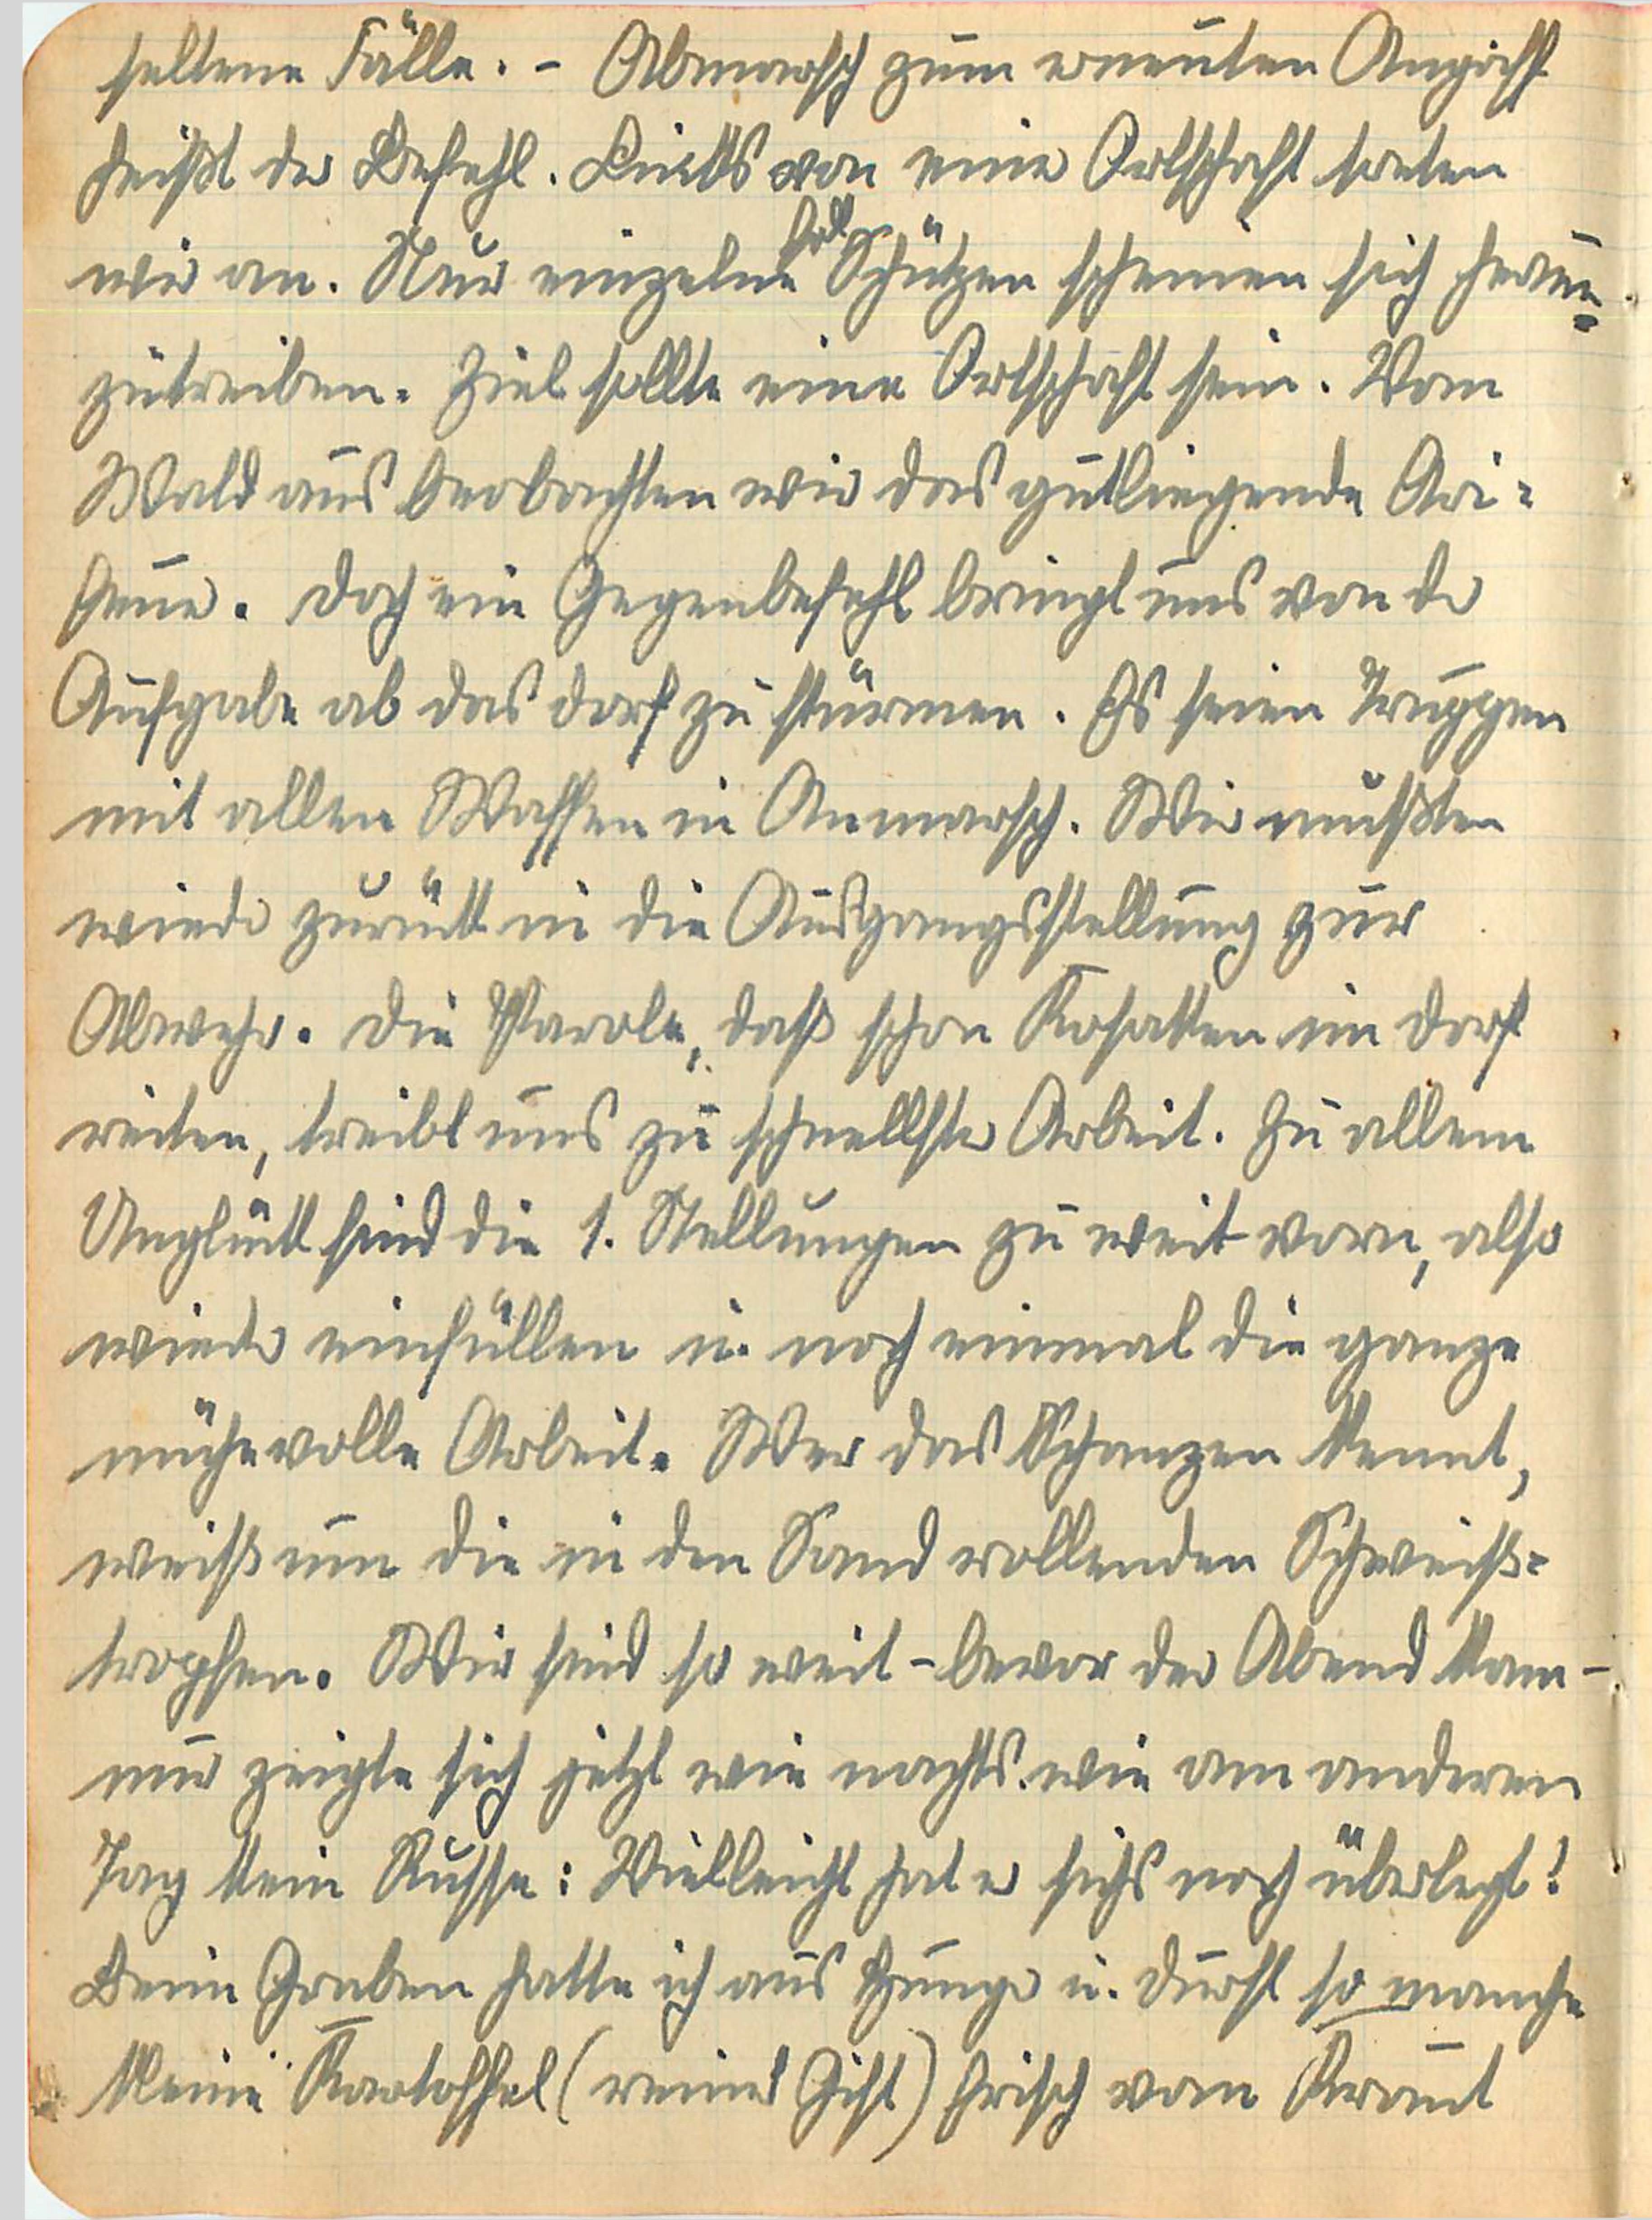seltene Fälle. – Abmarsch zum erneuten Angriff
heißt der Befehl. Links von einer Ortschaft treten
wir an. Nur einzelne Pak Schützen scheinen sich herum-
zutreiben. Ziel sollte eine Ortschaft sein. Vom
Wald aus beobachten wir das gutliegende Ari-
feuer. Doch ein Gegenbefehl bringt uns von der
Aufgabe ab das Dorf zu stürmen. Es seien Truppen
mit allen Waffen in Anmarsch. Wir mußten
wieder zurück in die Ausgangsstellung zur
Abwehr. Die Parole, daß schon Kosaken im Dorf
reiten, treibt uns zu schnellster Arbeit. Zu allem
Unglück sind die 1. Stellungen zu weit vorn, also
wieder einfüllen u. noch einmal die ganze
mühevolle Arbeit. Wer das Schanzen kennt,
weiß um die in den Sand rollenden Schweiß-
tropfen. Wir sind so weit – bevor der Abend kam –
nur zeigte sich jetzt wie nachts wie am anderen
Tag kein Russe: Vielleicht hat er sichs noch überlegt?
Beim Graben hatte ich aus Hunger u. Durst so manche
kleine Kartoffel (reines Gift) frisch vom Kraut